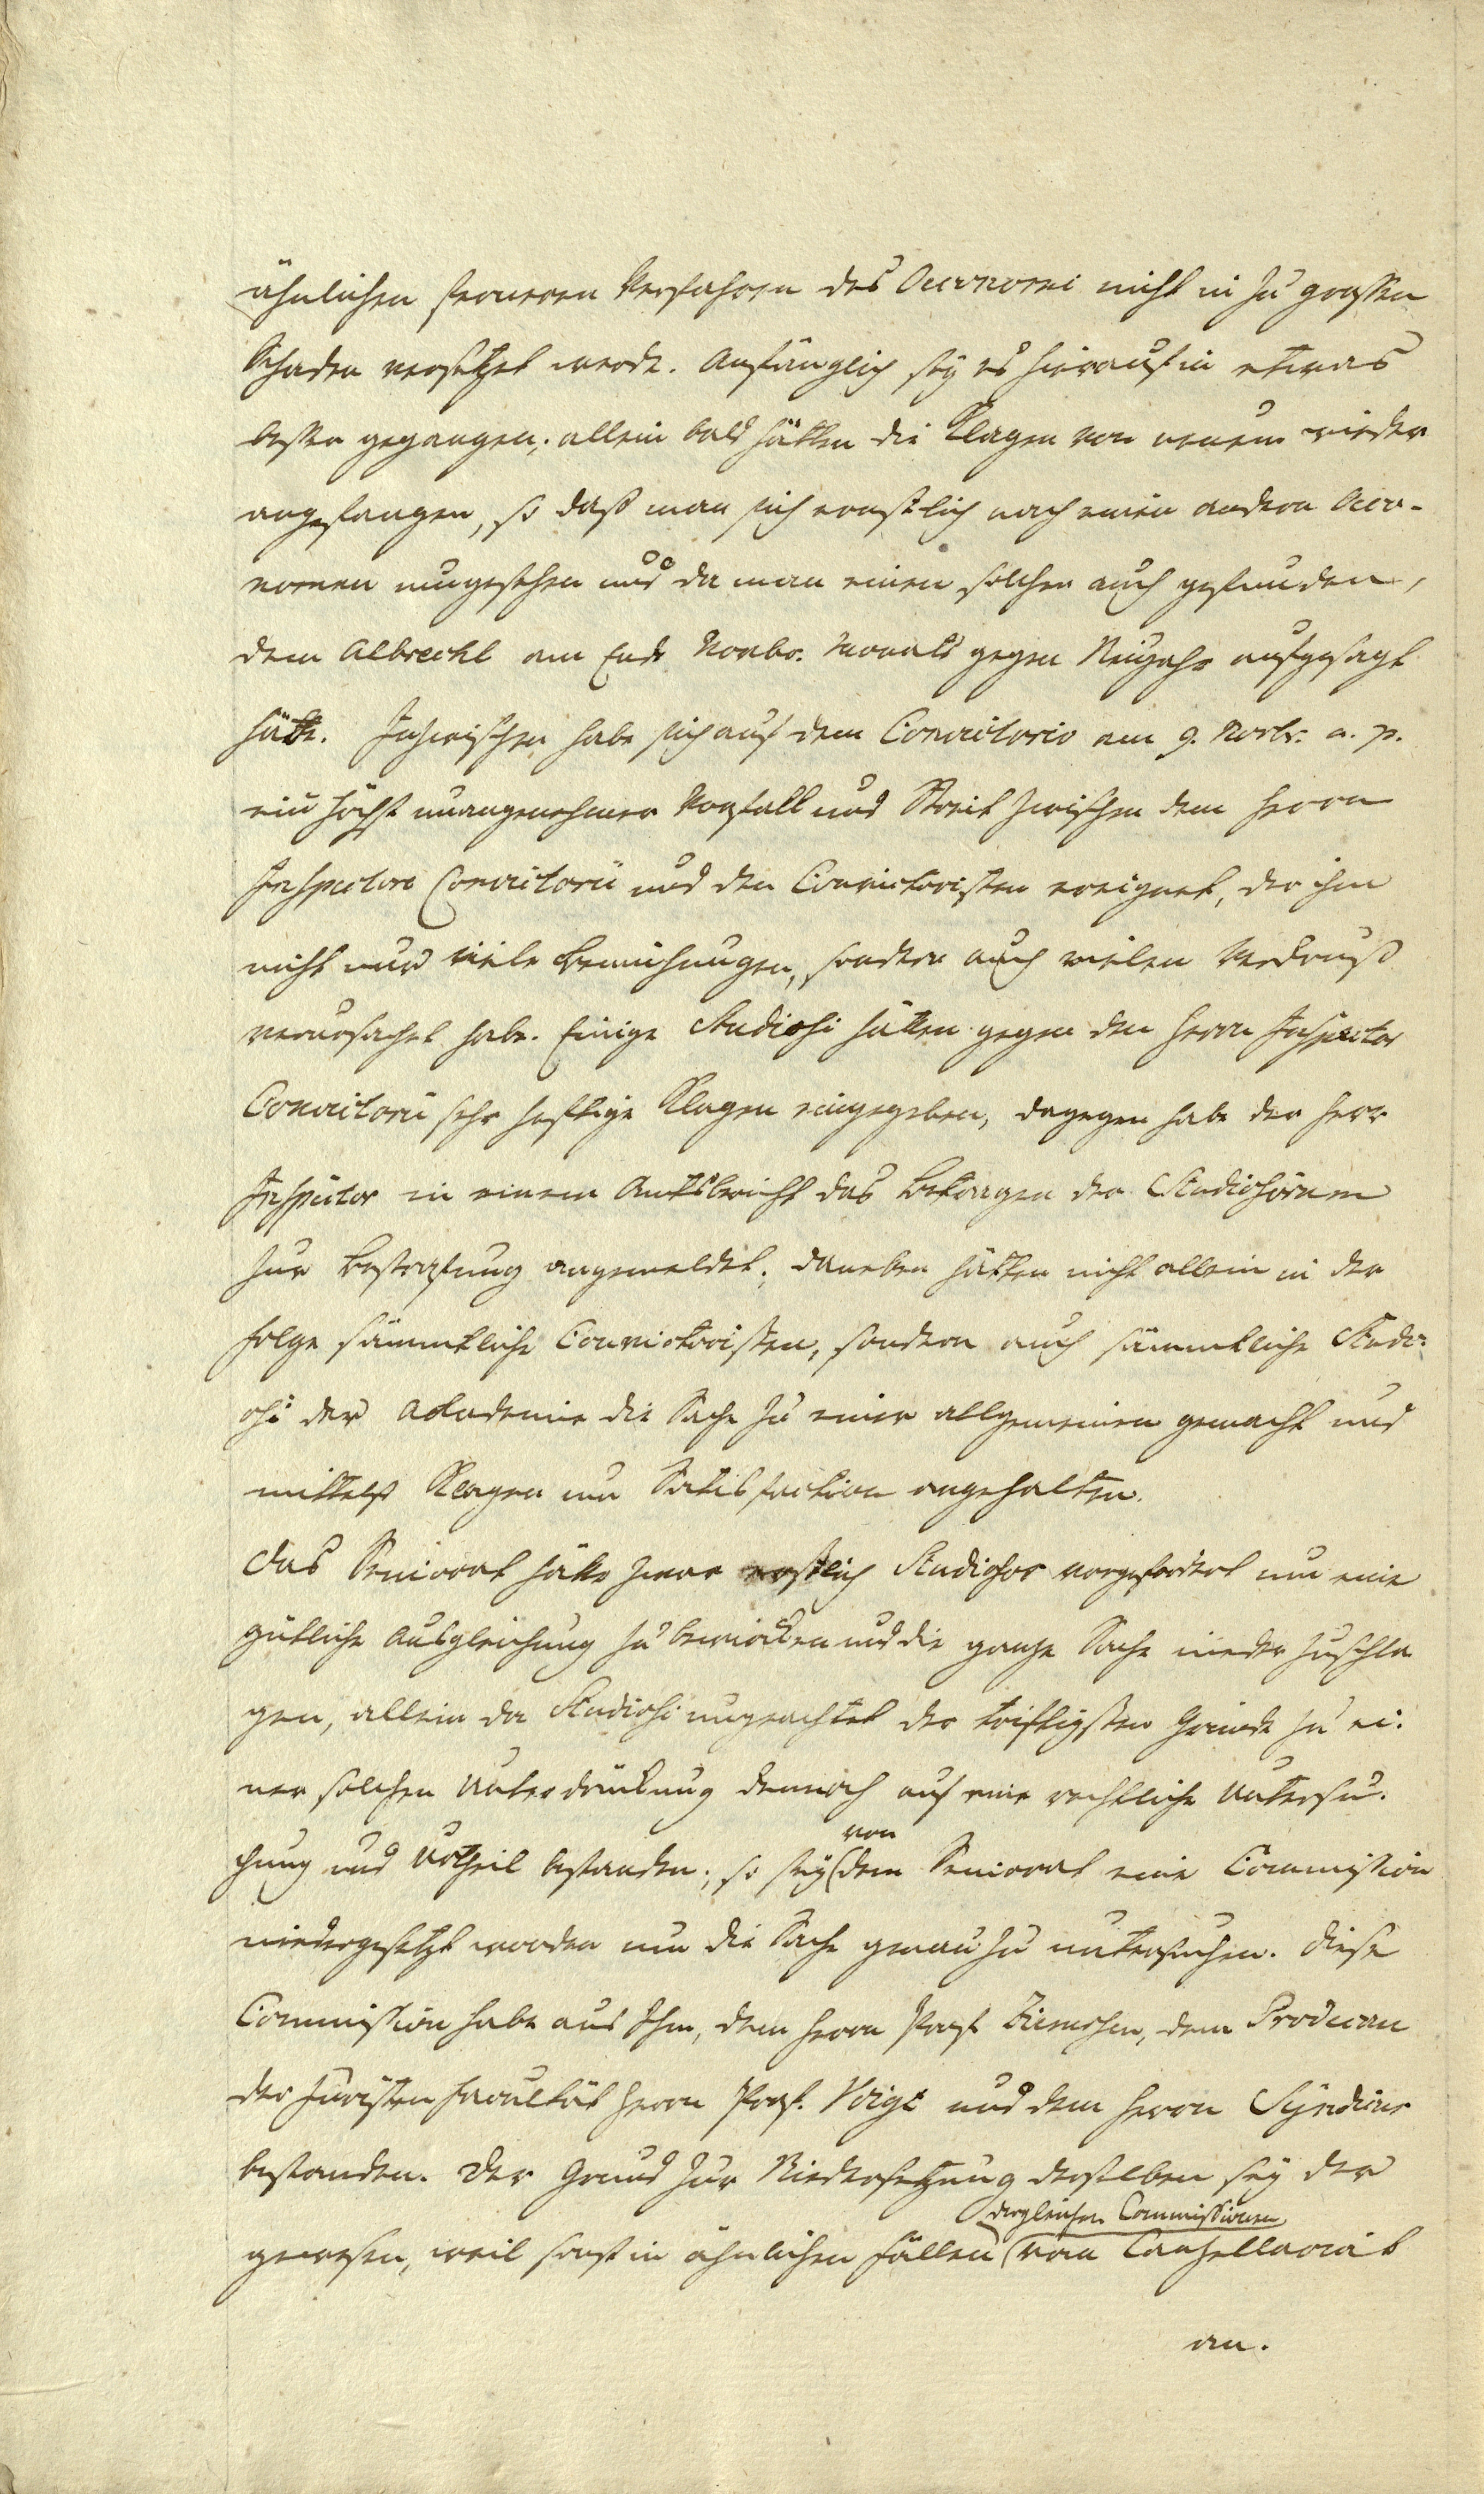ähnlichen ferneren Verfahren des Oeconomi nicht in zu grossen
Schaden versetzet werde. Anfänglich seÿ es hieraufin etwas
besser gegangen, allein bald hätten die Klagen von neuem wieder
angefangen, so daß man sich ernstlich nach einen andern Oeco¬
nomen umgesehen und da man einen solchen auch gefunden,
dem Albrechl am Ende Novbr. Monats gegen Neujahr aufgesagt
hätte. Inzwischen habe sich auf dem Convictorio am 9. Novbr. a. p.
ein höchst unangenehmer Vorfall und Streit zwischen dem Herrn
Inspectore Convictorio und den Convictoristen ereignet, der ihm
nicht nur viele Bemühungen, sondern auch vielen Verdruß
verursachet habe. Einige Studiosi haben gegen den Herrn Inspector
Convictorii sehr heftige Klagen eingegeben, dagegen habe der Herr
Inspector in einem Amtsbericht das Betragen der Studiosorum
zur Bestrafung angemeldet. Daneben hätten nicht allein in der
Folge sämmtliche Convictoristen, sondern auch sämmtliche Studi¬
osi der Akademie die Sache zu einer allgemeinen gemacht und
mittelst Klagen um Satisfaction angehalten.
Das Seniorat hätte zwar erstlich Studios vorgefordert um eine
gütliche Ausgleichung zu bewircken und die ganze Sache nieder zuschla¬
gen, allein da Studiosi ungeachtet der triftigsten Gründe zu ei¬
ner solchen Unterdrückung dennoch auf eine rechtliche Untersu¬
chung und Urtheil bestanden; so seÿ von dem Seniorat eine Commission
niedergesetzt worden, um die Sache genau zu untersuchen. Diese
Commission habe aus Ihm, dem Herrn Prof. Ziemssen, dem Prodecan
der Juristen Facultät Herrn Prof. Voigt und dem Herrn Sÿndicus
bestanden. Der Grund zur Niedersetzung derselben seÿ der
gewesen, weil sonst in ähnlichen Fällen dergleichen Commissionen vom Canzellariat
an